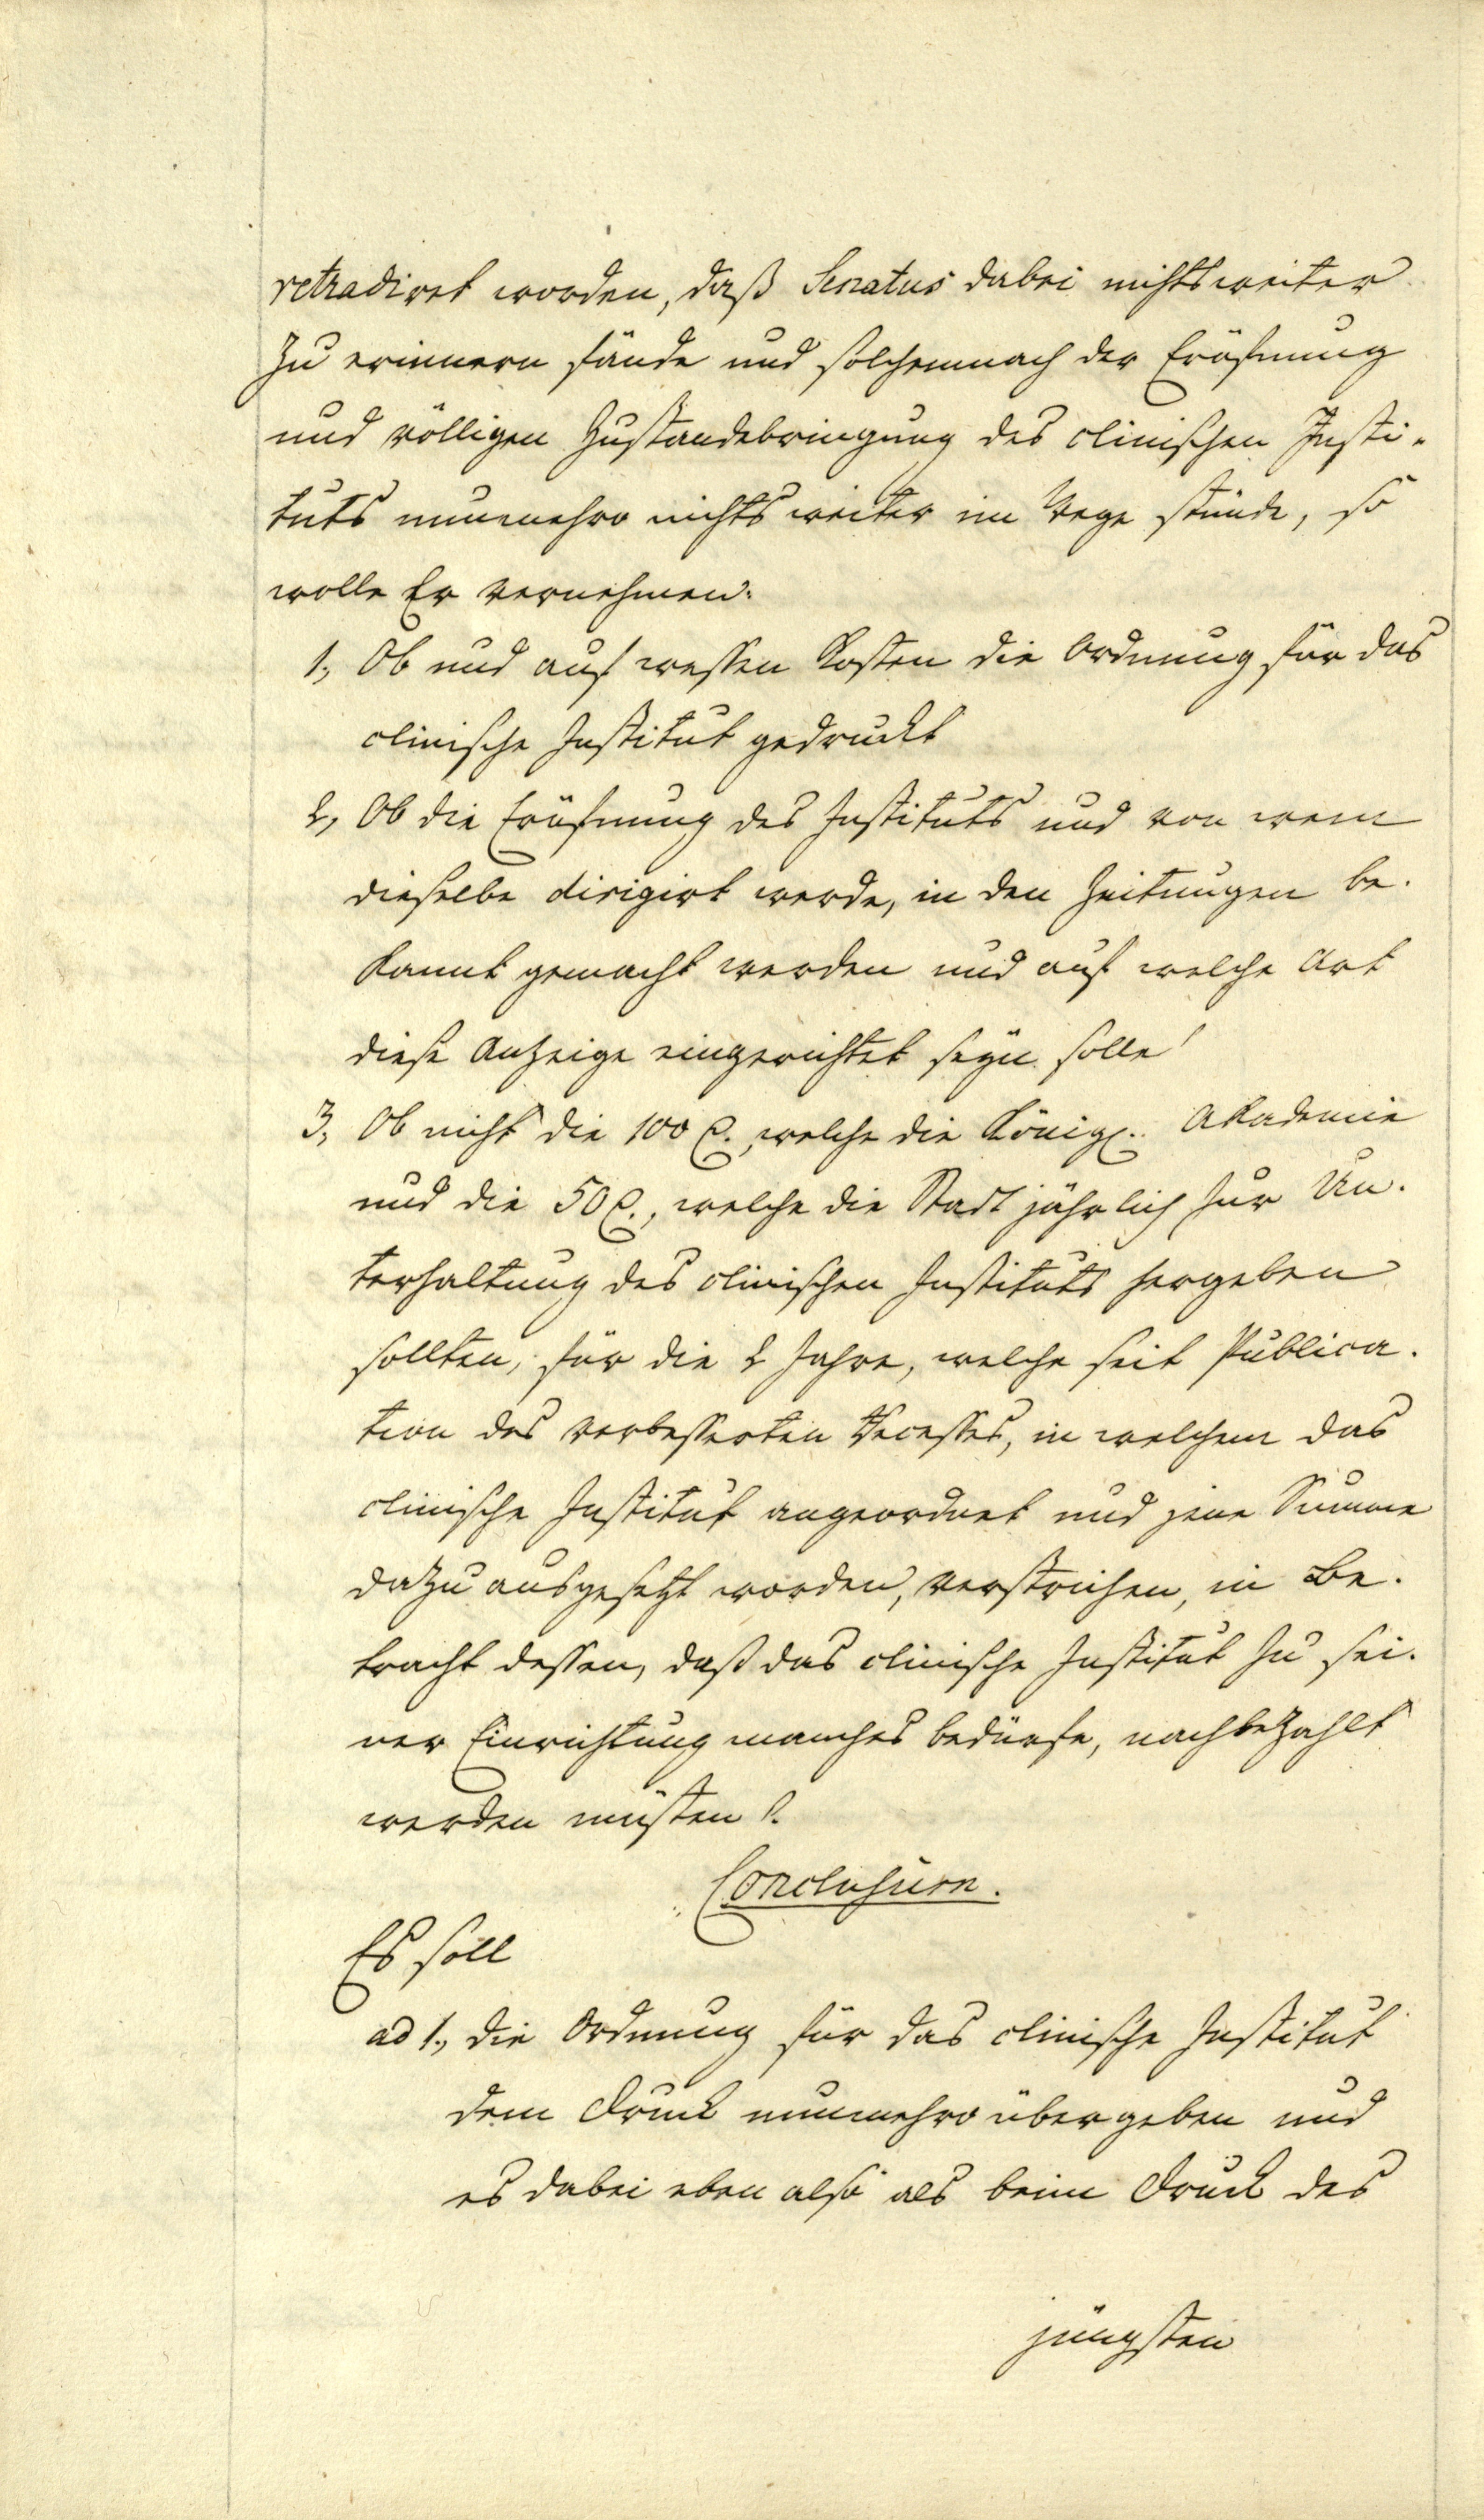retradiret worden, daß Senatus dabei nichts weiter
zu erinnern fände und solchemnach der Eröfnung
und völligen Zustandebringung des clinischen Insti¬
tuts nunmehro nichts weiter im Wege stünde, so
wolle Er vernehmen:
1., Ob und auf wessen Kosten die Ordnung für das
clinische Institut gedruckt
2, Ob die Eröfnung des Instituts und von wem
dieselbe dirigirt werde, in den Zeitungen be¬
kannt gemacht werden und auf welche Art
diese Anzeige eingerichtet seÿn solle?
3. Ob nicht die 100 l. welche die Königl. Akademie
und die 50 l., welche die Stadt jährlich zur Un¬
terhaltung des clinischen Instituts hergeben
sollten, für die 2 Jahre, welche seit Publica¬
tion des verbesserten Recesses, in welchem das
clinische Institut angeordnet und jene Summe
dazu ausgesetzt worden, verstrichen, in Be¬
tracht dessen, daß das clinische Institut zu sei¬
ner Einrichtung manches bedürfe, nachbezahlt
werden müssten?
Conclusum.
Es soll
ad 1., die Ordnung für das clinische Institut
dem Druck nunmehro übergeben und
es dabei eben also als beim Druck des
jüngsten